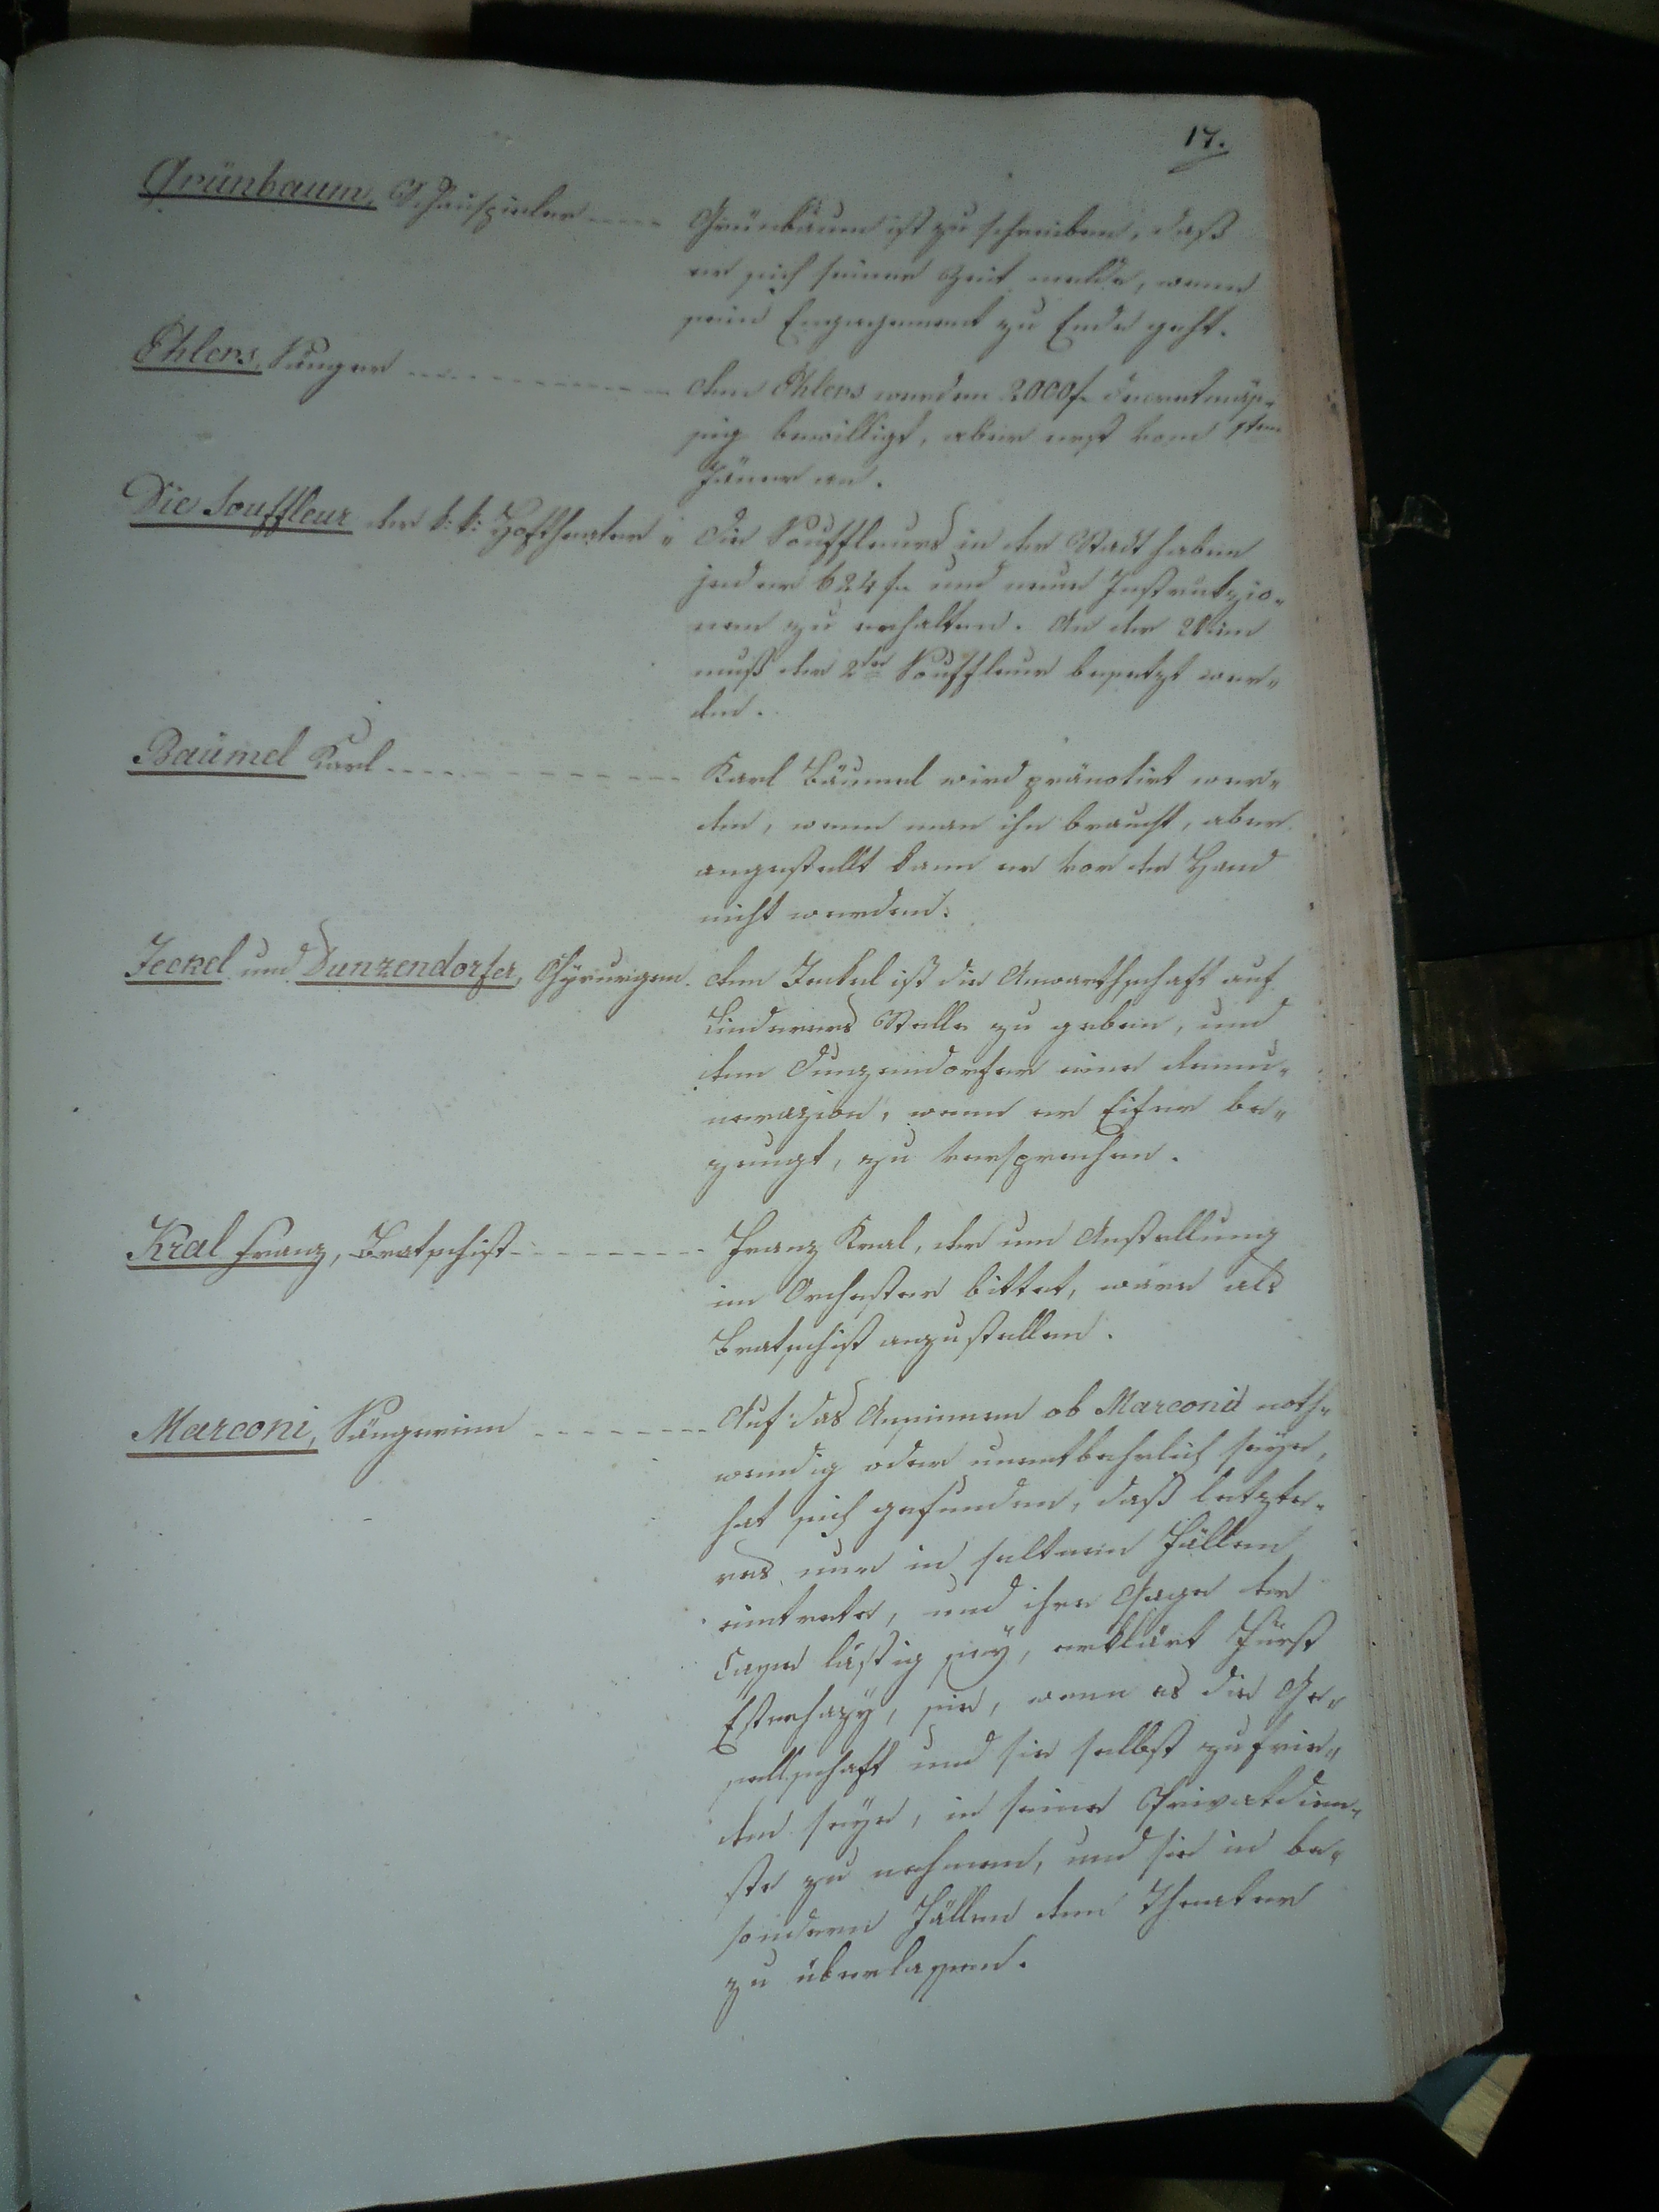17.
Grünbaum, Schauspieler ….. Grünbaum ist zu schreiben, daß
er sich seiner Zeit melde, wenn
sein Engagement zu Ende geht.
Ehlers, Sänger ………….. Dem Ehlers werden 2000fn Decretmä¬
sig bewilligt, aber erst vom 1ten
Jäner an.
Die Souffleur der k:k: Hoftheater ,, Die Souffleurs in der Stadt haben
jeder 6 & 4 fn und neue Instrukzio¬
nen zu erhalten. An der Wien
muß der 2te͇ Souffleur besetzt wer¬
den .
Bäumel Karl ………… Karl Bäumel wird pränotirt wer¬
den, wenn man ihn braucht, aber
angestellt kann er vor der Hand
nicht werden.
Jeckel und Dunzendorfer. Chyrurgen. Dem Jeckel ist die Anwartschaft auf
Linderers Stelle zu geben, und
dem Dunzendorfer eine Remun¬
nerazion, wenn er Eifer be¬
zeugt, zu versprechen.
Kral Franz, Bratschist ……… Franz Kral, der um Anstellung
im Orchester bittet, wäre als
Bratschist anzustellen.
Marconi, Sängerinn …….. Auf das Ansinnen ob Marconi noth¬
wendig oder unentbehrlich seye,
hat sich gefunden, daß letzte¬
res nur in seltnen Fällen
eintrete, und ihre Gage der
Casse lästig sey, erklärt Fürst
Esterhazy, sie, wenn es die Ge¬
sellschaft und sie selbst zufrie¬
den seye, in seine Privatdien¬
ste zu nehmen, und sie in be¬
sondern Fällen dem Theater
zu überlassen.